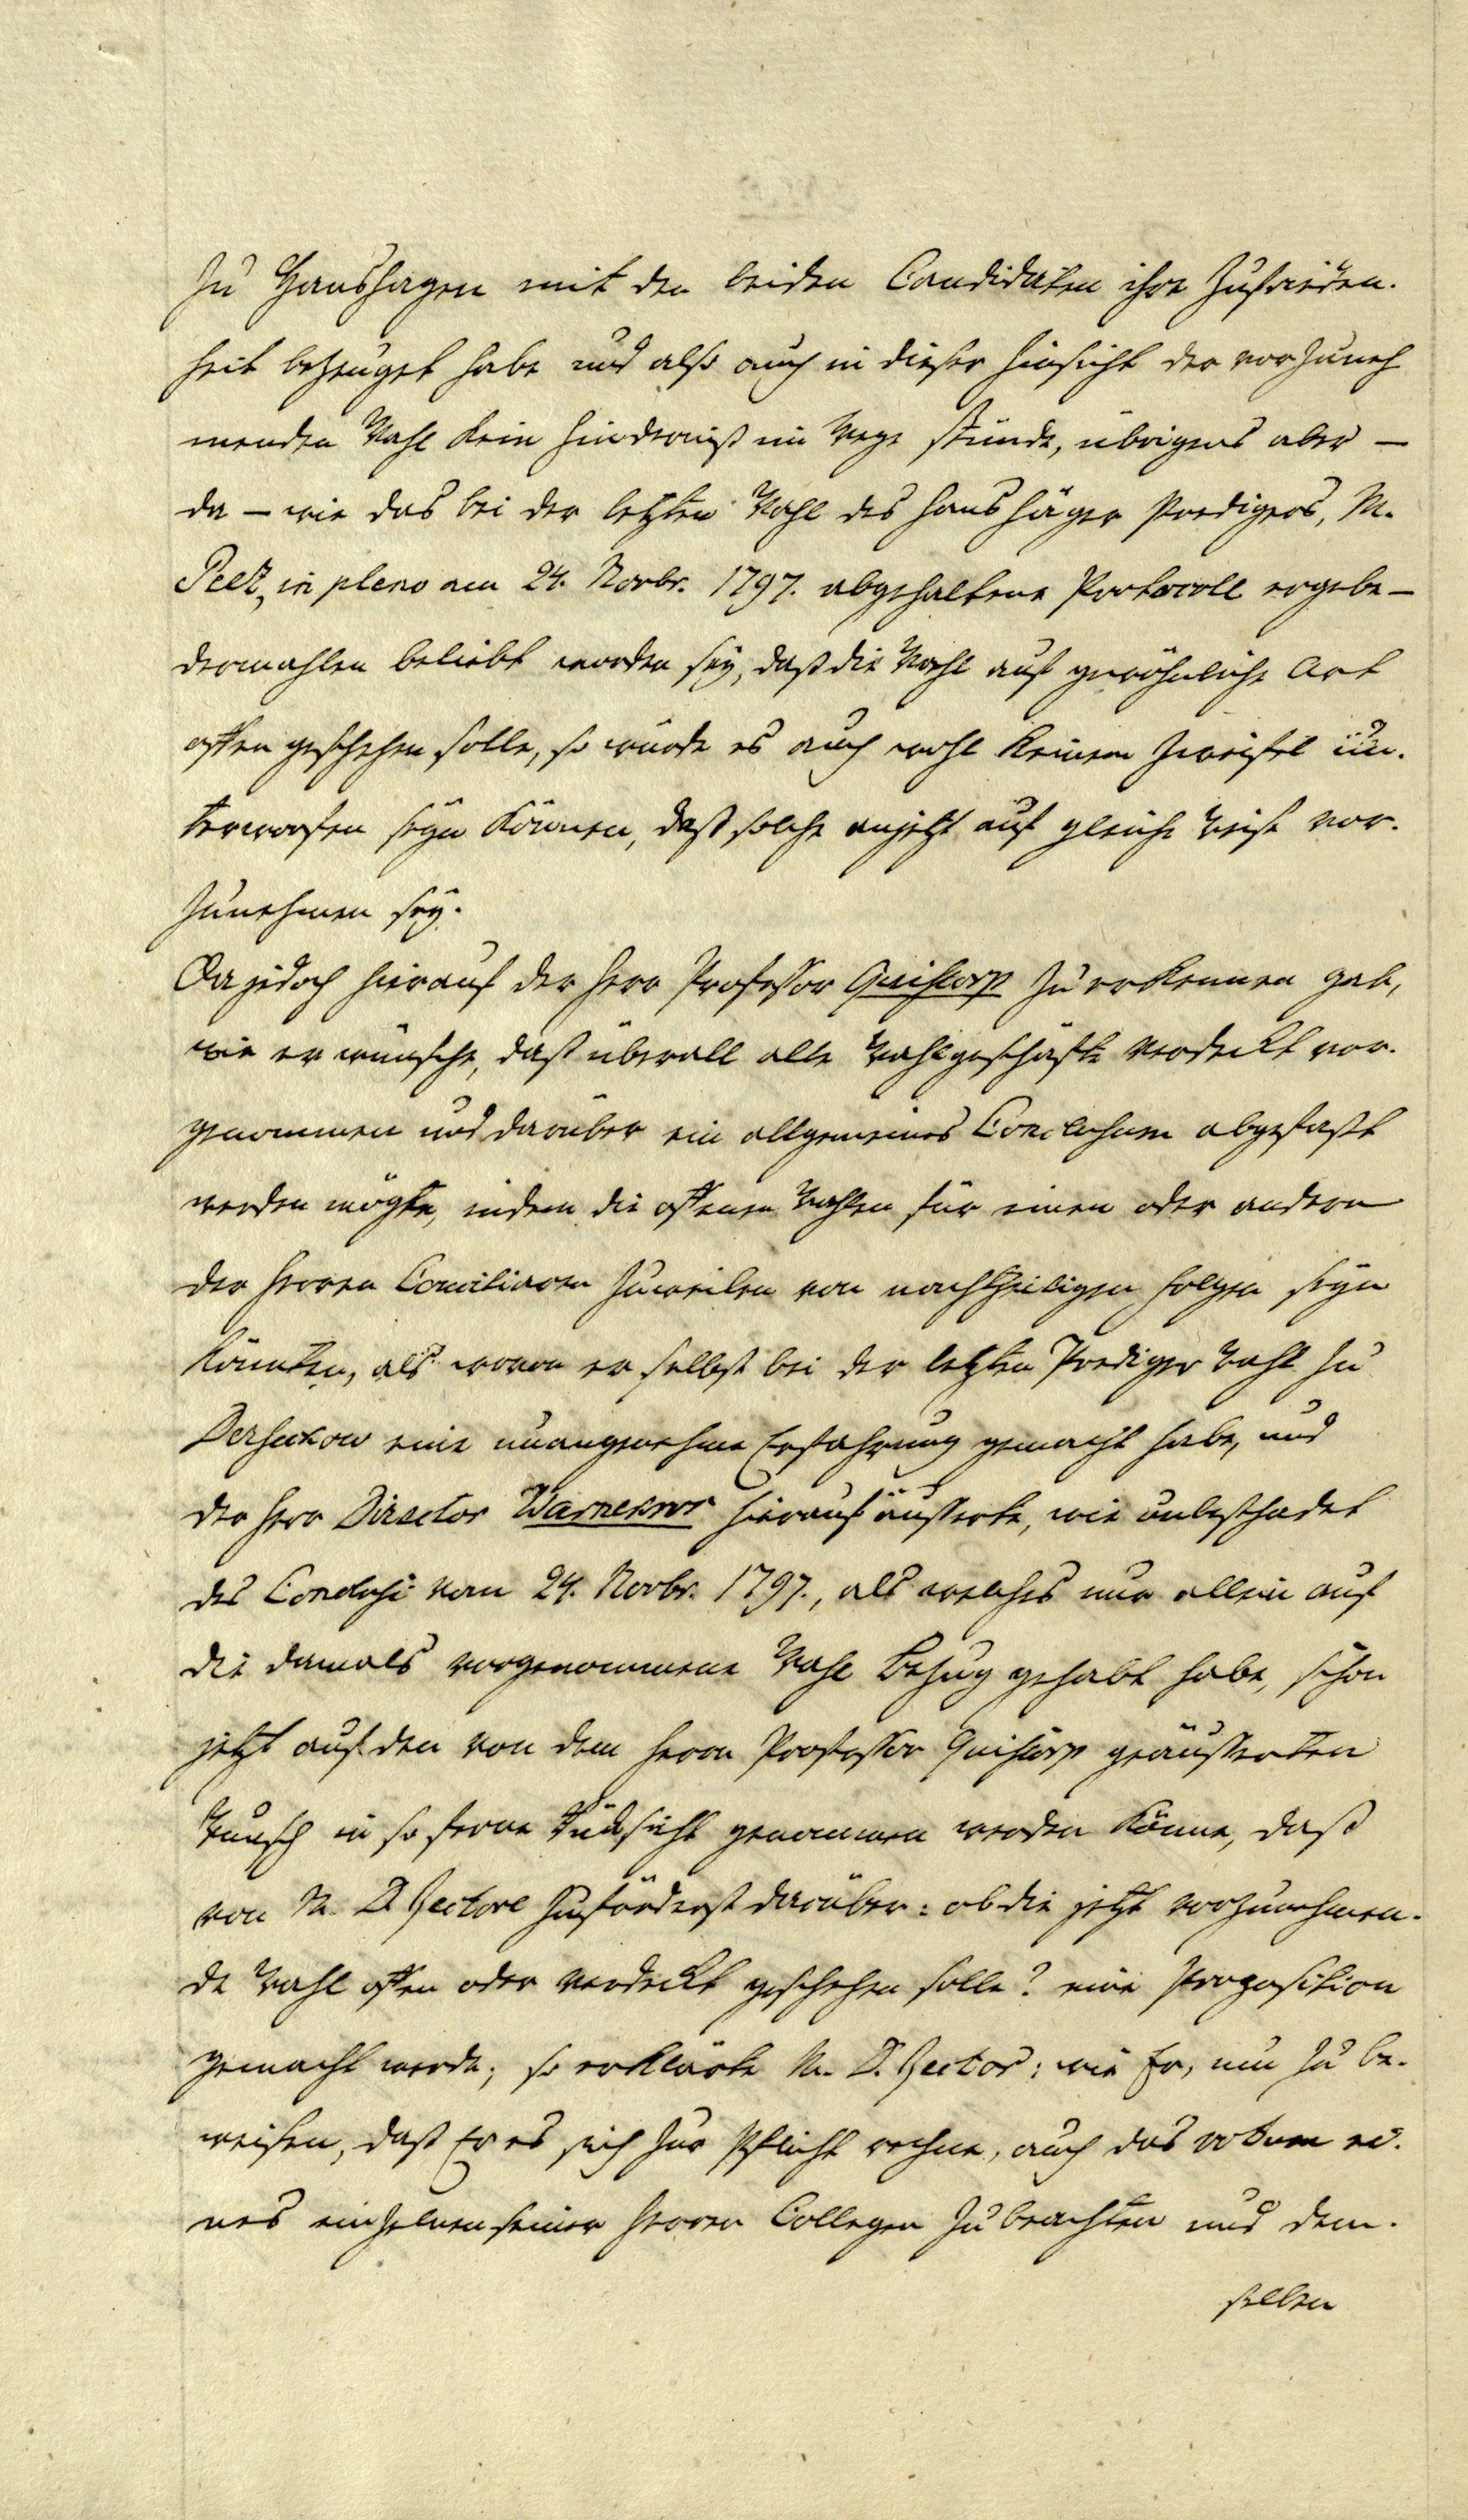zu Hanshagen mit den beiden Candidaten ihre Zufrieden¬
heit bezeuget habe und also auch in dieser hinsicht der vorzuneh¬
menden Wahl kein hinderniß im Wege stünde, übrigens aber
da wie das bei der letzten Wahl des hanshäger Predigers, M.
Pelz, in pleno am 24. Novbr. 1797. abgehaltene Protocoll ergebe,
dermahlen beliebt worden seÿ, daß die Wahl auf gewöhnliche Art
offen geschehen solle, so würde es auch wohl keinem Zweifel un¬
terworfen seÿn können, daß solche anjetzt auf gleiche Weise vor¬
zunehmen seÿ.
Da jedoch hierauf der herr Professor Quistorp zu erkennen gab,
wie er wünsche, daß überall alle Wahlgeschäfte verdeckt vor¬
genommen und darüber ein allgemeines Conclusum abgefaßt
werden mögte, indem die offenen Wahlen für einen oder andern
der herren Conciliaren zuweilen von nachtheiligen Folgen seÿn
könnten, als wovon er selbst bei der letzten Prediger Wahl zu
Dersekow eine unangenehme Erfahrung gemacht habe, und
der herr Director Warnekros hierauf äusserte, wie unbeschadet
das Conclusi vom 24. Novbr. 1797, als welches nur allein auf
die damals vorgenommene Wahl Bezug gehabt habe, schon
jetzt auf den von dem herrn Professor Quistorp geäusserten
Wunsch in so fern Rücksicht genommen werden könne, daß
von M. D. Rectore zuförderst darüber: ob die jetzt vorzunehmen¬
de Wahl offen oder verdeckt geschehen solle? eine Proposition
gemacht werde; so erklärte M. D. Rector: wie Er, um zu be¬
weisen, daß Er es sich zur Pflicht rechne, auch das votum ei¬
nes einzelnen seiner herren Collegen zu beachten und dem¬
selben